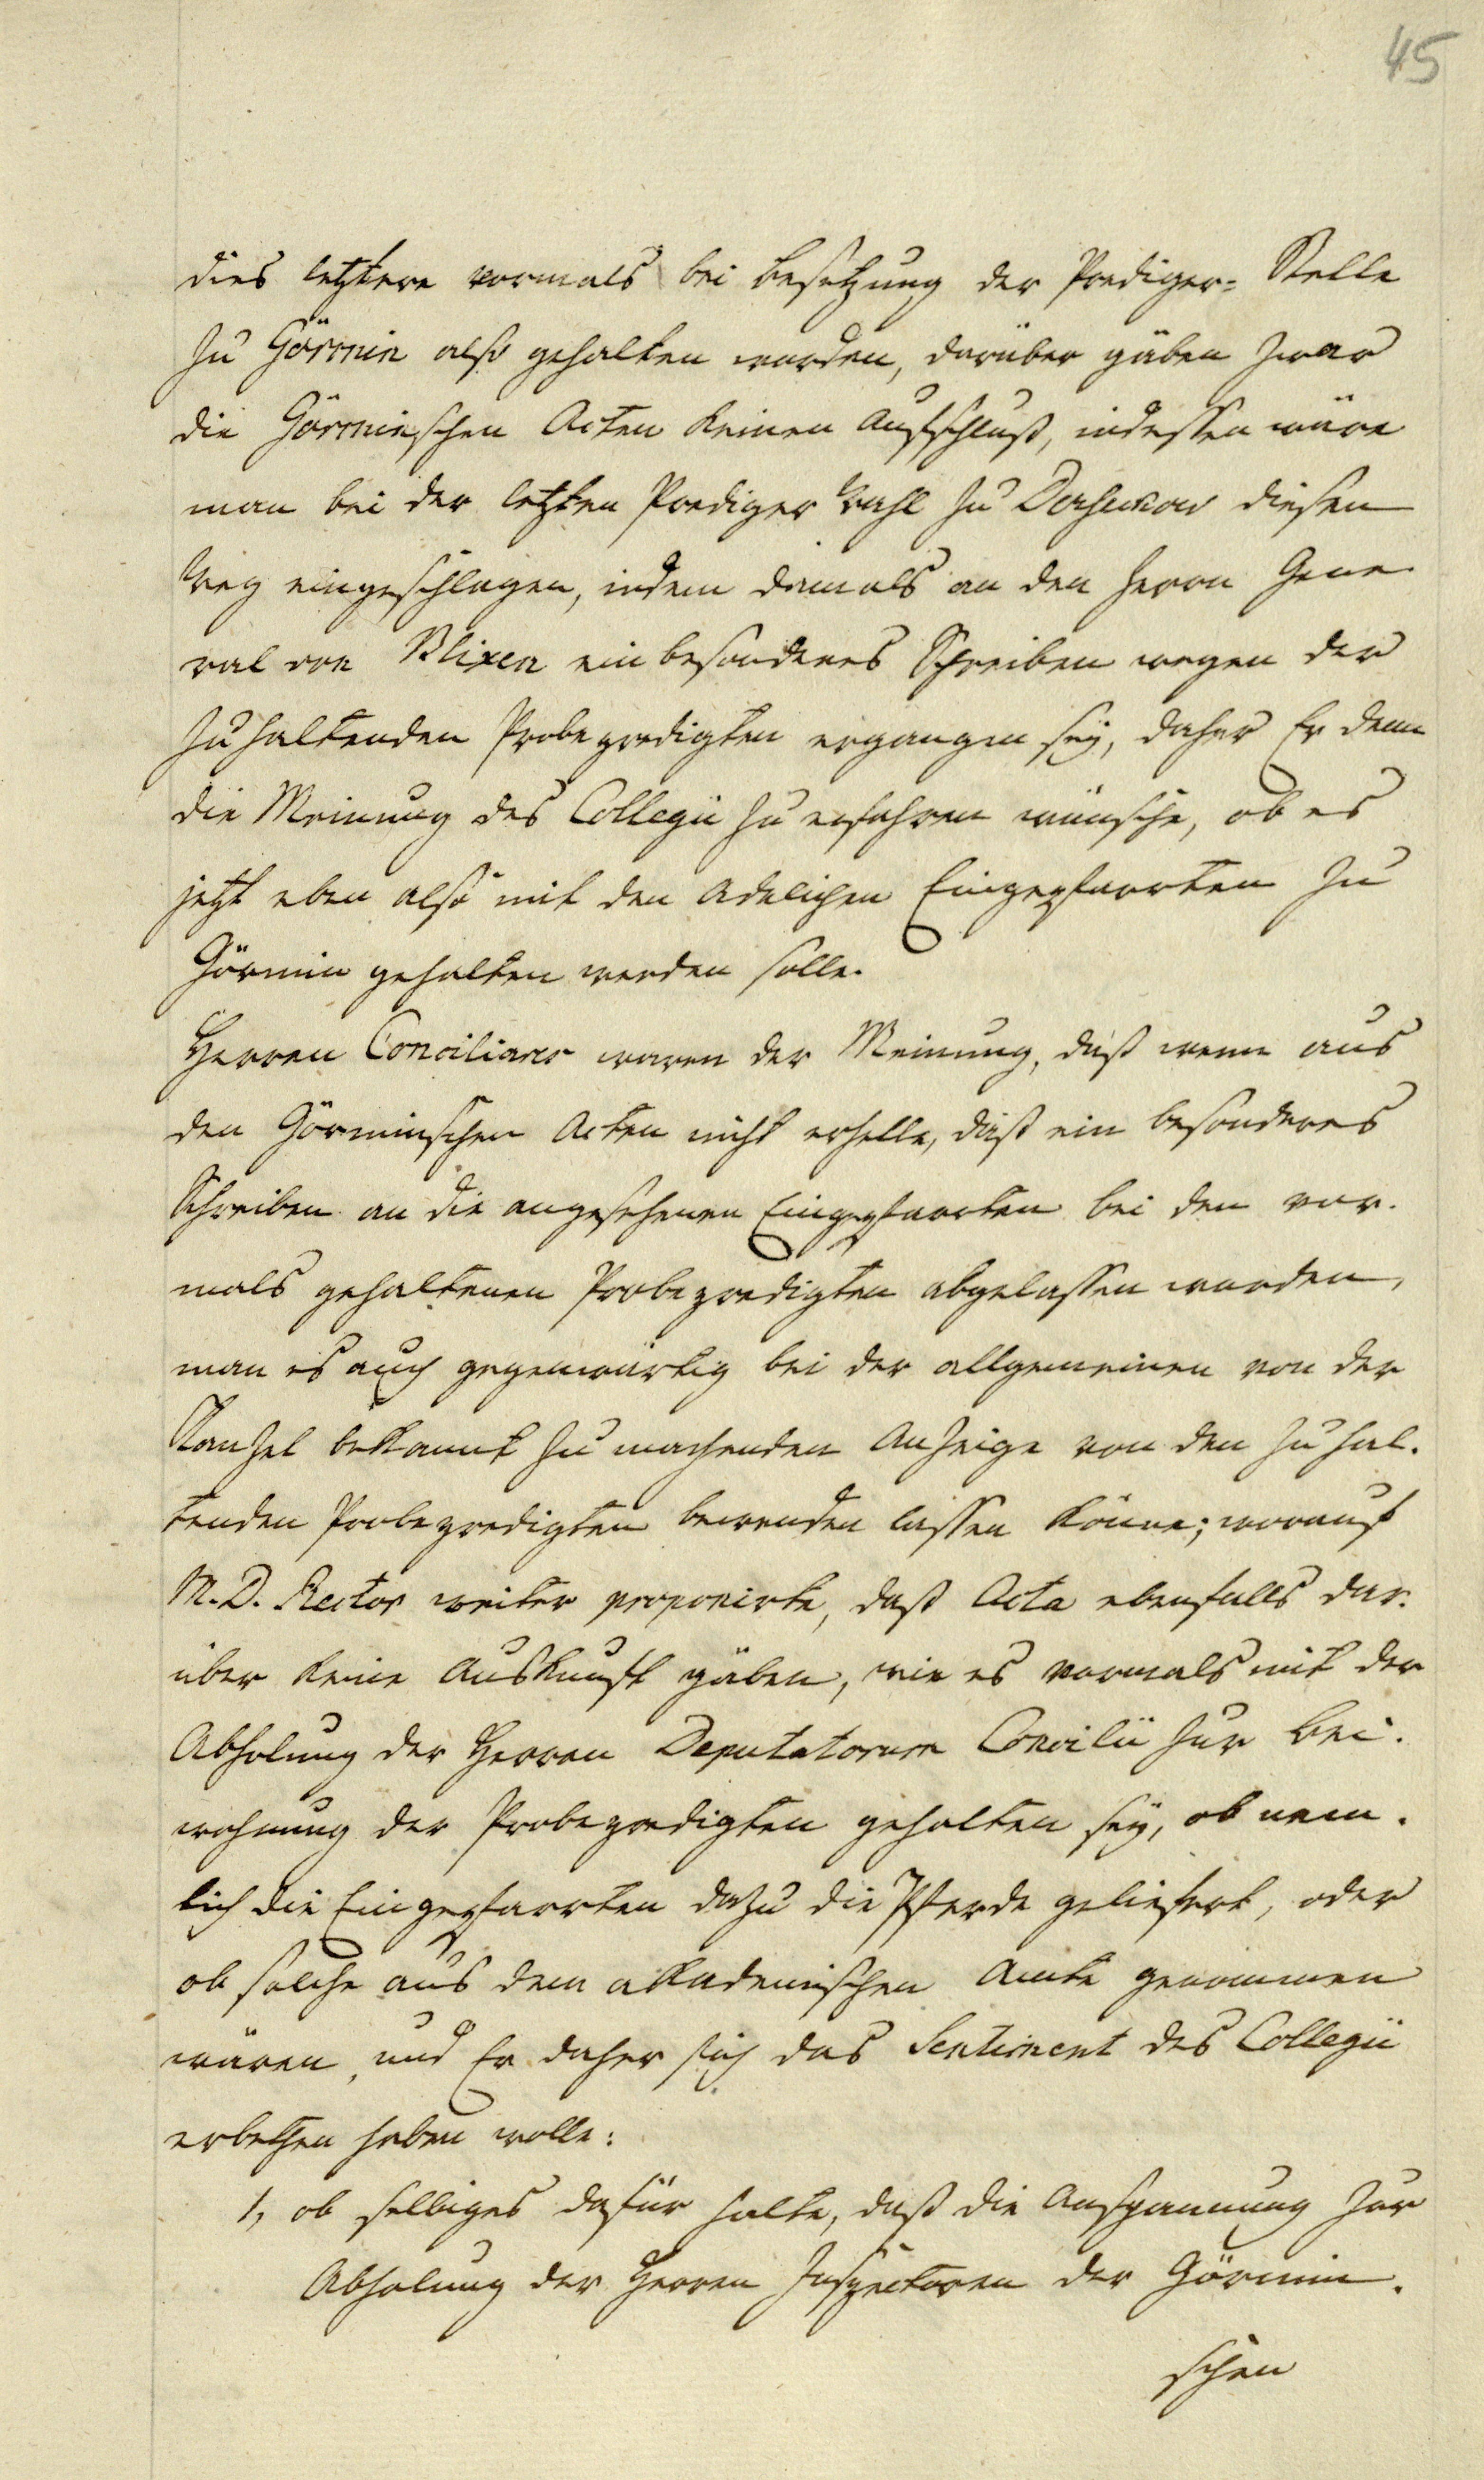dies letztere vormals bei Besetzung der Prediger- Stelle
zu Görmin also gehalten worden, darüber gäben zwar
die Görminschen Acten keinen Aufschluß, indessen wäre
man bei der letzten Prediger Wahl zu Derseckow diesen
Weg eingeschlagen, indem damals an den Herrn Gene¬
ral von Blixen ein besonderes Schreiben wegen der
zu haltenden Probepredigten ergangen seÿ, daher Er denn
die Meinung des Collegii zu erfahren wünsche, ob es
jetzt eben also mit den Adelichen Eingepfarrten zu
Görmin gehalten werden solle.
Herren Conciliares wären der Meinung, daß wenn aus
den Görminschen Acten nicht erhelle, daß ein besonderes
Schreiben an die angesehenen Eingepfarrten bei dem vor¬
mals gehaltenen Probepredigten abgelassen worden,
man es auch gegenwärtig bei der allgemeinen von der
Kanzel bekannt zu machenden Anzeige von dem zu hal¬
tenden Probepredigten Bewenden lassen könne; worauf
M. D. Rector weiter proponirte, daß Acta ebenfalls dar¬
über keine Auskunft gäben, wie es vormals mit der
Abholung der Herren Deputatorum Concilii zur Bei¬
wohnung der Probepredigten gehalten seÿ, ob nem¬
lich die Eingepfarrten dazu die Pferde geliefert, oder
ob solche aus dem akademischen Amte genommen
wären, und Er daher sich das Sentiment des Collegii
erbethen haben wolle:
1, ob selbiges dafür halte, daß die Anspannung zur
Abholung der Herren Inspectoren der Görmin¬
schen